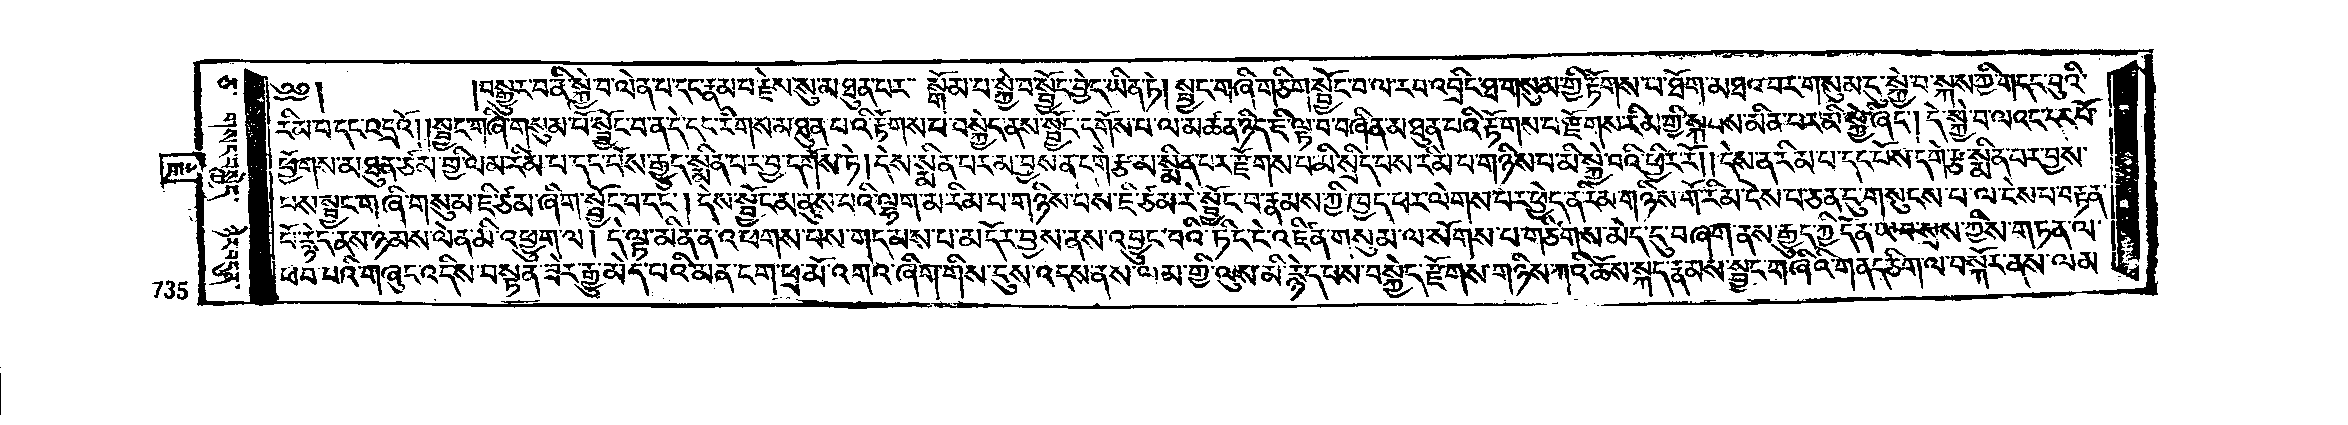༄༅། །བསྒྱུར་བ་ནི་སྐྱེ་བ་ལེན་པ་དང་རྣམ་པ་རྗེས་སུ་མཐུན་པར་སྒོམ་པ་སྐྱེ་བ་སྦྱོང་བྱེད་ཡིན་ཏེ། སྦྱང་གཞི་གཅིག་སྦྱོང་བ་ལ་རབ་འབྲིང་ཐ་གསུམ་གྱི་རྟོགས་པ་ཐོག་མཐའ་བར་གསུམ་དུ་སྐྱེ་བ་སྐས་ཀྱི་གདང་བུའི་
རིམ་པ་དང་འདྲའོ། །སྦྱང་གཞི་གསུམ་པོ་སྦྱོང་བ་ན་དེ་དང་རིགས་མཐུན་པའི་རྟོགས་པ་བསྐྱེད་ནས་སྦྱོང་དགོས་པ་ལ་མཚན་ཉིད་ཇི་ལྟ་བ་བཞིན་མཐུན་པའི་རྟོགས་པ་རྫོགས་རིམ་གྱི་སྐབས་མིན་པར་མི་སྐྱེ་ཞིང་། དེ་སྐྱེ་བ་ལའང་དང་པོ་
ཕྱོགས་མཐུན་ཙམ་གྱི་ལམ་རིམ་པ་དང་པོས་རྒྱུད་སྨིན་པར་བྱ་དགོས་ཏེ། དེས་སྨིན་པར་མ་བྱས་ན་དགེ་རྩ་མ་སྨིན་པར་རྫོགས་པ་མི་སྲིད་པས་རིམ་པ་གཉིས་པ་མི་སྐྱེ་བའི་ཕྱིར་རོ། །དེས་ན་རིམ་པ་དང་པོས་དགེ་རྩ་སྨིན་པར་བྱས་
པས་སྦྱང་གཞི་གསུམ་ཇི་ཙམ་ཞིག་སྦྱོང་བ་དང་། དེས་སྦྱོང་མ་ནུས་པའི་ལྷག་མ་རིམ་པ་གཉིས་པས་ཇི་ཙམ་རེ་སྦྱོང་བ་རྣམས་ཀྱི་ཁྱད་པར་ལེགས་པར་ཕྱེད་ན་རིམ་གཉིས་གོ་རིམ་ངེས་པ་ཅན་དུ་གསུངས་པ་ལ་ངེས་པ་བརྟན་
པོ་རྙེད་ནས་ཉམས་ལེན་མི་འཕྱུག་ལ། དེ་ལྟ་མིན་ན་འཕགས་པས་གདམས་པ་མདོར་བྱས་ནས་འབྱུང་བའི་ཏིང་ངེ་འཛིན་གསུམ་ལ་སོགས་པ་གཙིགས་མེད་དུ་བཞག་ནས་རྒྱུད་ཀྱི་དོན་ཡབ་སྲས་ཀྱིས་གཏན་ལ་
ཕབ་པའི་གཞུང་འདིས་བསྟན་ཟེར་རྒྱུ་མེད་པའི་མན་ངག་ཕྲ་མོ་འགའ་ཞིག་གིས་དུས་འདས་ནས་ལམ་གྱི་ལུས་མི་རྙེད་པས་བསྐྱེད་རྫོགས་གཉིས་ཀའི་ཆོས་སྐད་རྣམས་སྦྱང་གཞིའི་གནད་ཅིག་ལ་བསྐོར་ནས་ལམ་